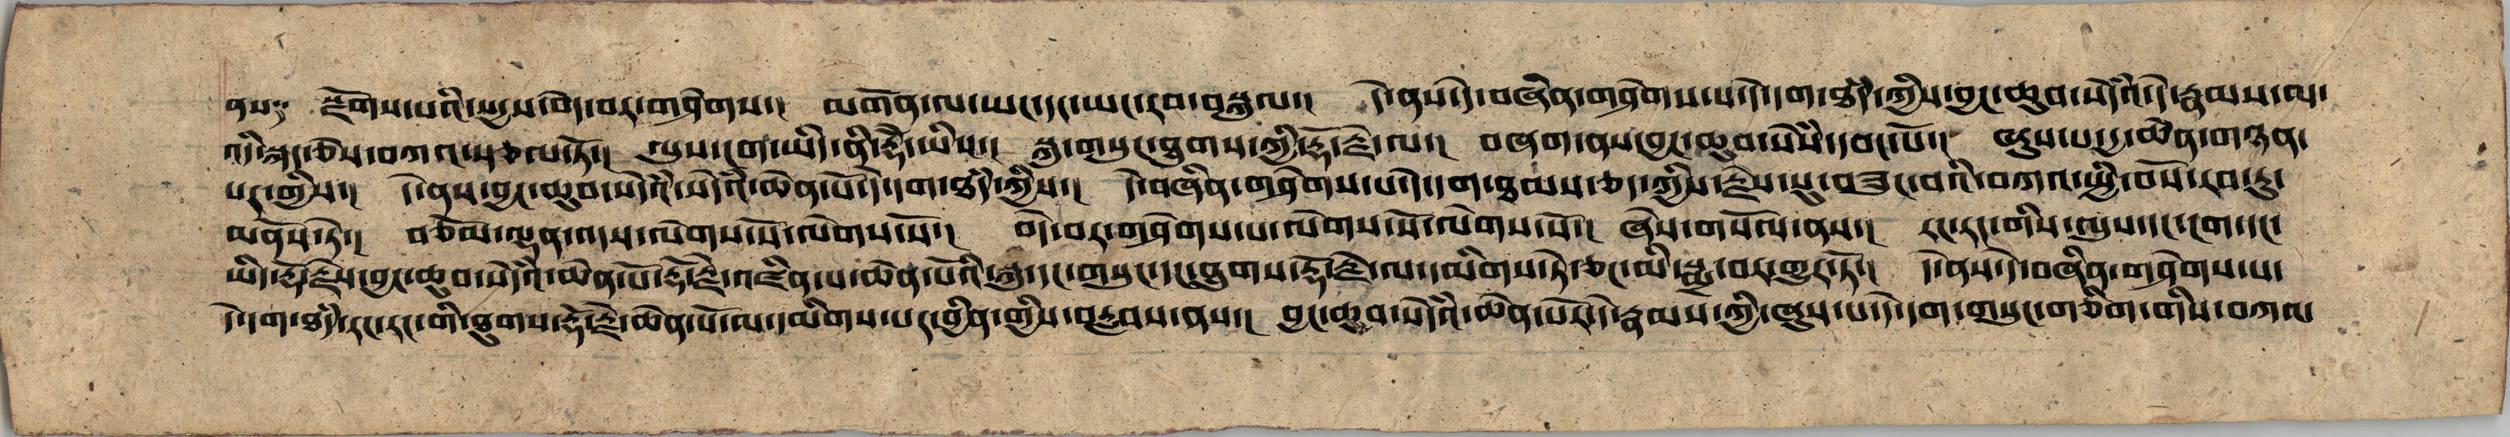ནས༑ སྫོགས་པའི་སདྱས་བདེ་བར་གཤེགས་། མགོན་ལ་ཡང་དང་ཡང་རབ་བསྐུལ་། དེ་ནས་དེ་བཞིན་གཤེགས་པ་དེ་དག་ཐཾད་ཀྱིས་བྱང་ཆུབ་སེདཾའ་དེ་རྣམས་ལ་
འདི་སྐད་ཅེས་བཀའ་སྩལ་ཏོ་། ལུས་ངག་ཡིད་ནི་རྡོེ་ཡིས་། སྐུ་གསུང་ཐུགས་ཀྱི་རྡོ་རྗེ་ལ་། བཞག་ནས་བྱང་ཆུབ་སེཾས་དབང་པོ་། བཏུས་པ་དྱ་ཆེན་གཉན་
པར་གྱིས་། དེ་ནས་བྱང་ཆུབ་སེདཾའ་སེདཾའ་ཆེན་པོ་དེ་དག་ཐདཾ་ཀྱིས་། དེ་བཞིན་གཤེགས་པ་དེ་དག་ཐམས་ཅད་ཀྱིས་རྗེས་སུ་བཟུང་བའི་བཀའ་སྤྱི་བོས་རབ་ཏུ་
མནོས་ཏེ་། བཅོམ་ལྡན་འདས་ལེགས་སོ་ལེགས་སོ་། བདེ་བར་གཤེགས་པ་ལེགས་སོ་ལེགས་སོ་། ཞེས་གསོལ་ནས་། རང་རང་གིས་ལུས་དང་ངག་དང་
ཡིད་རྡོ་རྗེས་བྱང་ཆུབ་སེདཾའ་ཆེན་པོ་རྡོ་རྗེ་འཛིན་པ་ཆེན་པོའི་སྐུ་དང་གསུང་དང་ཐུགས་རྡོ་རྗེ་ལ་དམིགས་ཏེ་ཅང་མི་སྨྲ་བར་གྱུར་ཏོ་། དེ་ནས་དེ་བཞིན་གཤེགས་པ་
དེ་དག་ཐདཾ་རང་རང་གི་ཐུགས་རྡོ་རྗེ་ཆེན་པོ་ལ་དམིགས་པར་བྱིན་གྱིས་བརླབས་ནས་། བྱང་ཆུབ་སེདཾའ་ཆེན་པོར་དེ་རྣམས་ཀྱི་ཞུས་པ་དེ་དག་གསུང་གཅིག་གིས་བཀའ་